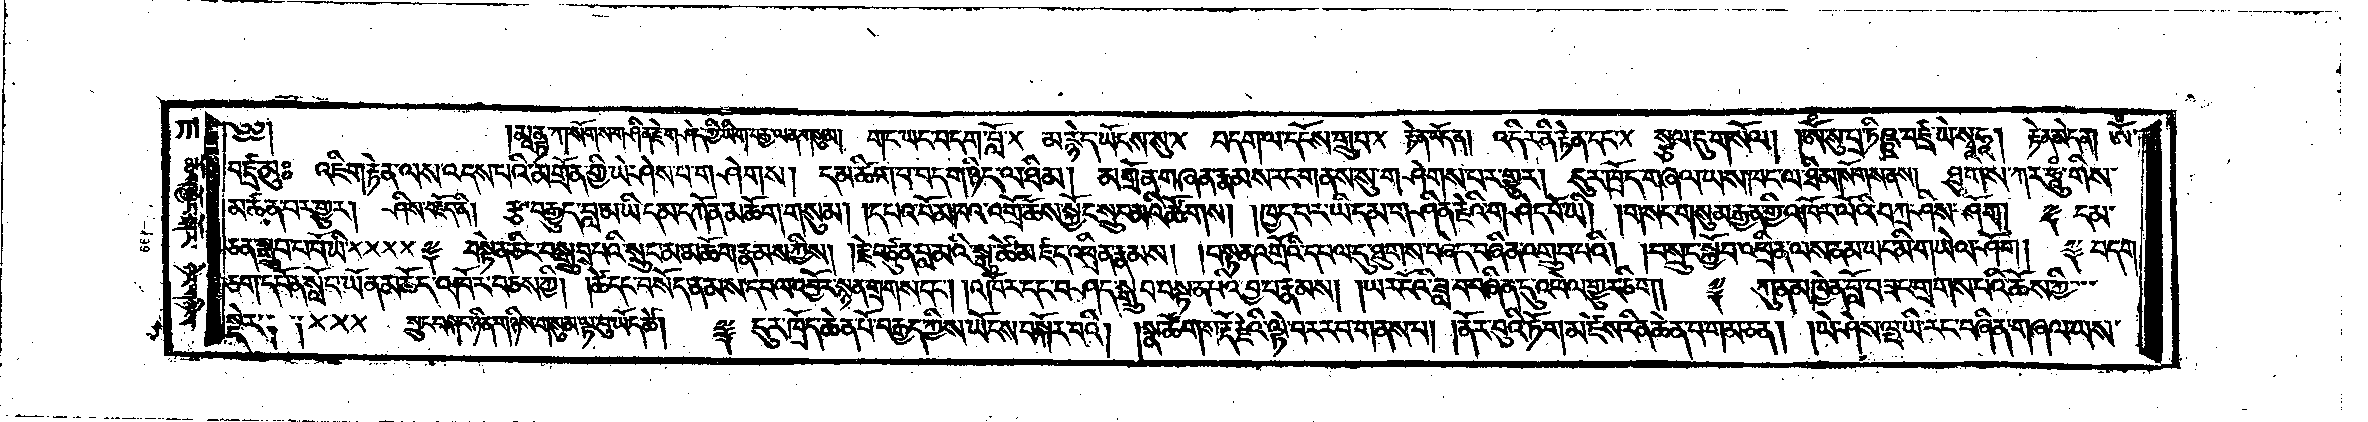༄༅། །མཱནྟ་ཀ་སོགས་གཤིན་རྗེ་གཤེད་ཀྱི་ཡིག་བརྒྱ་ལན་གསུམ།  གང་ཡང་བདག་བློ་྾་མ་རྙེད་ཡོངས་སུ་྾་བདག་ལ་དངོས་གྲུབ་྾་རྟེན་ཡོད་ན།  འདིར་ནི་རྟེན་དང་྾་སྩལ་དུ་གསོལ། །ཨོཾ་སུ་པྲ་ཏཱིཥཊཿཨ་བཛྲ་ཡེ་སྭཱཧཱ། རྟེན་མེད་ན།  ཨོཾ་
བཛྲ་མུཿའཇིག་རྟེན་ལས་འདས་པའི་མགྲོན་གྱི་ཡེ་ཤེས་བ་གཤེགས། དམ་ཚིག་བ་བདག་ཉིད་ལ་ཐིམ། མགྲོན་གཞན་རྣམས་རང་གནས་སུ་གཤེགས་པར་གྱུར། དུར་ཁྲོད་གཞལ་ཡས་ཁང་ལ་ཐིམ་།སོགས་ནས།  ཐུགས་ཀར་ཧཱུཾ་གིས་
མཚན་པར་གྱུར། ཤིས་བརྗོད་ནི།  རྩ་བརྒྱུད་བླ་མ་ཡི་དམ་དཀོན་མཆོག་གསུམ། །དཔའ་བོ་མཁའ་འགྲོ་ཆོས་སྐྱོང་སྲུང་མའི་ཚོགས། །ཁྱད་པར་ཡི་དམ་གཤིན་རྗེའི་གཤེད་པོ་ཡི། །གསང་གསུམ་རྒྱན་གྱི་འཁོར་ལོའི་བཀྲ་ཤིས་ཤོག ། ༈ དམ་
ཅན་སྒྲུབ་པ་པོ་ཡི་྾་྾་྾་྾་༈ བསྟེན་ཅིང་བསྒྲུབས་པའི་སྲུང་མ་མཆོག་རྣམས་ཀྱིས། །རྗེ་བཙུན་བླ་མའི་སྐུ་ཆེ་མཛད་འཕྲིན་རྣམས། །བསྟན་འགྲོའི་དཔལ་དུ་ཐུགས་བཞེད་བཞིན་འགྲུབ་པའི། །བསྲུང་སྐྱོབ་འཕྲིན་ལས་ནམ་ཡང་མི་གཡེལ་ཤོག། ༈ བདག་
ཅག་དཔོན་སློབ་ཡོན་མཆོད་འཁོར་བཅས་ཀྱི། །ཚེ་དང་བསོད་ནམས་དཔལ་འབྱོར་སྙན་གྲགས་དང་། །འཁོར་དང་བཤད་སྒྲུབ་བསྟན་པའི་བྱ་བ་རྣམས། །ཡར་ངོའི་ཟླ་བ་བཞིན་དུ་འཕེལ་གྱུར་ཅིག། ༈ ཀུན་མཁྱེན་བློ་བཟང་གྲགས་པའི་ཆོས་ཀྱི་
སྡེར༑ ༑྾་྾་྾་སྲུང་བསྐང་ཉིན་གཉིས་གསུམ་ལྟ་བུ་ཡུཨོད་ཆེ།  ༈ དུར་ཁྲོད་ཆེན་པོ་བརྒྱད་ཀྱིས་ཡོངས་བསྐོར་བའི། །སྣ་ཚོགས་རྡོ་རྗེའི་ལྟེ་བར་རབ་གནས་པ། །ནོར་བུའི་ཏོག་མཛེས་རིན་ཆེན་བ་གམ་ཅན། །ཡེ་ཤེས་ལྔ་ཡི་རང་བཞིན་གཞལ་ཡས་